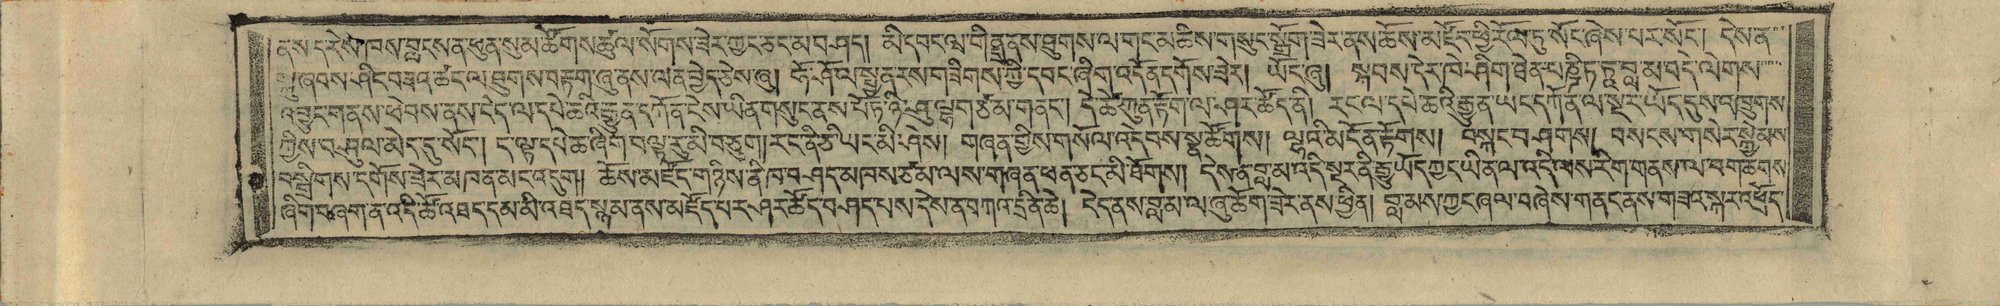ནས་ད་རེས་ཁས་བླངས་ན་ཕུན་སུམ་ཚོགས་ཚུལ་སོགས་ཟེར་ཀྱང་ཅང་མ་བཤད། མི་དབང་ཝ་གིནྡྲ་ནས་ཐུགས་ལ་གང་མཆིས་གསུང་སྒྲོག་ཟེར་ནས་ཆོས་མཛོད་ཕྱི་རོལ་ཏུ་སོང་ཞེས་པར་སོང་། དེས་ན་
སྐུ་ཞབས་ཤིང་བཟའ་ཚང་ལ་ཐུགས་བརྟག་ཞུ་ནས་ལན་བྱེད་ཅེས་ཞུ། ཧོ་ཤོ་ལ་སྤྱན་རས་གཟིགས་ཀྱི་དབང་ཞིག་འདོན་དགོས་ཟེར། ཡོང་ཞུ། སྐབས་དེར་ཁེ་ཤིག་ཐེན་པཎྜི་ཏ་ཏཱ་བླ་མ་བདེ་ལེགས་
འབྱུང་གནས་ཕེབས་ནས་ངེད་ལ་དཔེ་ཆའི་རྒྱུན་དཀོན་ངེས་ཡིན་གསུང་ནས་པོཏ་ཉི་ཤུ་ལྷག་ཙམ་གནང་། དེ་ཚེ་ཀུན་རྟོག་ལ་ཤར་ཚོད་ནི། རང་ལ་དཔེ་ཆའི་རྒྱུན་ཡང་དཀོན་ལ་སྔར་ཡོད་དུས་འཁྲུགས་
ཀྱིས་བཤུལ་མེད་དུ་སོང་། ད་ལྟ་དཔེ་ཆ་ཞིག་བལྟ་རུ་མི་བཅུག །རང་ནི་ཅི་ཡང་མི་ཤེས། གཞན་གྱིས་གསོལ་འདེབས་སྣ་ཚོགས། ལྷའི་མངོན་རྟོགས། བསྐང་བཤགས། བསངས་གསེར་སྐྱེམས་
བསྒྲིགས་དགོས་ཟེར་མཁན་མང་འདུག །ཆོས་མཛོད་གཉིས་ནི་ཁ་བཤད་མཁས་ཙམ་ལས་གཞན་ཕན་ཅང་མི་ཐོགས། དེས་ན་བླ་མ་འདི་སྔར་ནི་རྒྱུ་ཡོད་ཀྱང་ཡིན་ལ་འདི་ལས་རིག་གནས་ལ་བག་ཆགས་
ཞིག་བཞག་ན་འདི་ཚོ་འཐད་དམ་མི་འཐད་སྙམ་ནས་མཛོད་པར་ཤར་ཚོད་བཤད་པས་དེས་ན་བཀའ་དྲིན་ཆེ། ངེད་ནས་བླ་མ་ལ་ཞུ་ཆོག་ཟེར་ནས་ཕྱིན། བླ་མས་ཀྱང་ཞལ་བཞེས་གནང་ནས་གཟའ་སྐར་འཕྲོད་